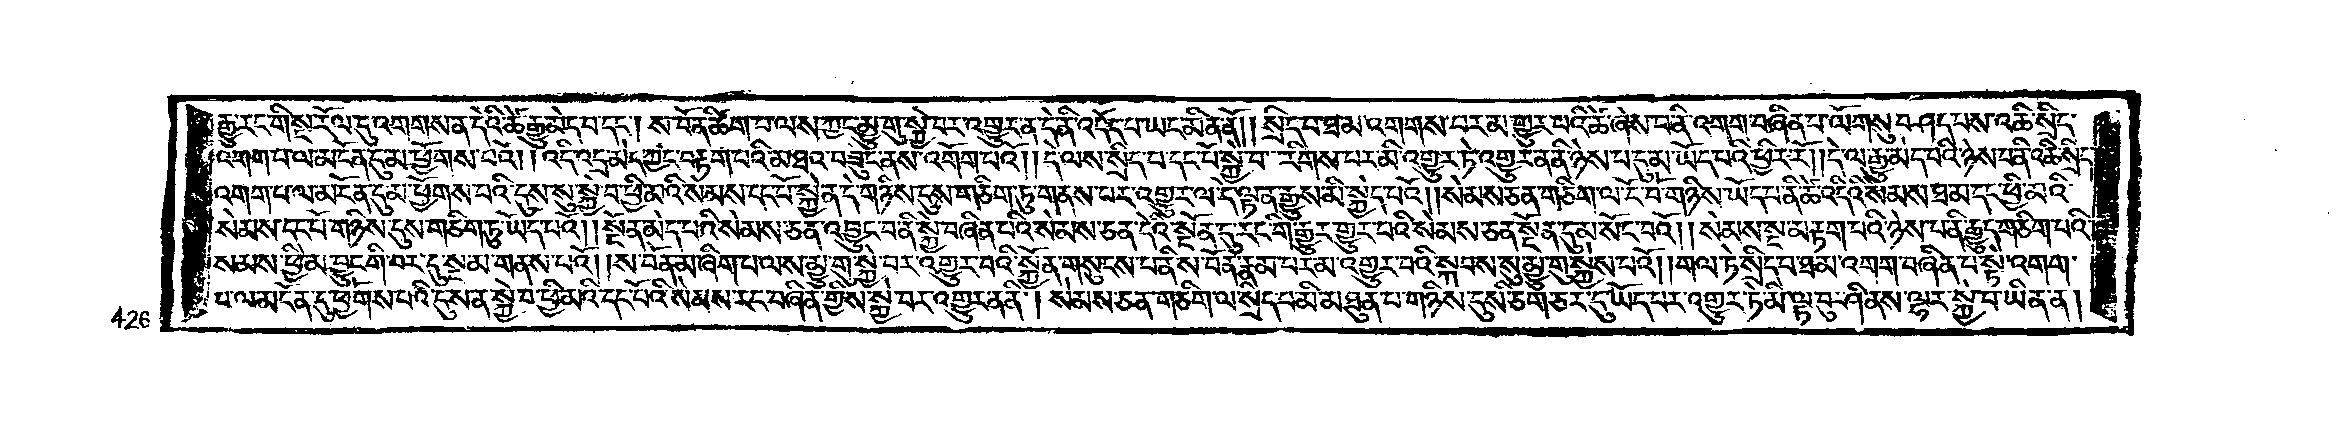རྒྱུ་རང་གི་སྔ་རོལ་དུ་འགགས་ན་དེའི་ཚེ་རྒྱུ་མེད་པ་དང་། ས་བོན་ཚིག་པ་ལས་ཀྱང་མྱུ་གུ་སྐྱེ་བར་འགྱུར་ན་དེ་ནི་འདོད་པ་ཡང་མིན་ནོ། །སྲིད་པ་ཐ་མ་འགགས་པར་མི་གྱུར་པའི་ཚེ་ཞེས་པ་ནི་འགག་བཞིན་པ་ལོགས་སུ་བཤད་པས་འཆི་སྲིད་
འགག་པ་ལ་མངོན་དུ་མ་ཕྱོགས་པའོ། །འདི་འདྲ་མེད་ཀྱང་བརྟག་པའི་མཐའ་བཟུང་ནས་འགོག་པའོ། །དེ་ལས་སྲིད་པ་དང་པོ་སྐྱེ་བ་རིགས་པར་མི་འགྱུར་ཏེ་འགྱུར་ན་ནི་ཉེས་པ་དུ་མ་ཡོད་པའི་ཕྱིར་རོ། །དེ་ལ་རྒྱུ་མེད་པའི་ཉེས་པ་ནི་འཆི་སྲིད་
འགག་པ་ལ་མངོན་དུ་མ་ཕྱོགས་པའི་དུས་སུ་སྐྱེ་བ་ཕྱི་མའི་སེམས་དང་པོ་སྐྱེ་ན་དེ་གཉིས་དུས་གཅིག་ཏུ་གནས་པར་འགྱུར་ལ་དེ་ལྟ་ན་རྒྱུས་མི་སྐྱེད་པའོ། །སེམས་ཅན་གཅིག་ལ་ངོ་བོ་གཉིས་ཡོད་པ་ནི་ཚེ་འདིའི་སེམས་ཐ་མ་དང་ཕྱི་མའི་
སེམས་དང་པོ་གཉིས་དུས་གཅིག་ཏུ་ཡོད་པའོ། །སྔོན་མེད་པའི་སེམས་ཅན་འབྱུང་བ་ནི་སྐྱེ་བཞིན་པའི་སེམས་ཅན་དེའི་སྔོན་དུ་རང་གི་རྒྱུར་གྱུར་པའི་སེམས་ཅན་སྔོན་དུ་མ་སོང་བའོ། །སེམས་སྔ་མ་རྟག་པའི་ཉེས་པ་ནི་རྒྱུད་གཅིག་པའི་
སེམས་ཕྱི་མ་བྱུང་གི་བར་དུ་སྔ་མ་གནས་པའོ། །ས་བོན་མ་ཞིག་པ་ལས་མྱུ་གུ་སྐྱེ་བར་འགྱུར་བའི་སྐྱོན་གསུངས་པ་ནི་ས་བོན་རྣམ་པར་མ་འགྱུར་བའི་སྐབས་སུ་མྱུ་གུ་སྐྱེས་པའོ། །གལ་ཏེ་སྲིད་པ་ཐ་མ་འགག་བཞིན་པ་སྟེ་འགག་
བ་ལ་མངོན་དུ་ཕྱོགས་པའི་དུས་ན་སྐྱེ་བ་ཕྱི་མའི་དང་པོའི་སེམས་རང་བཞིན་གྱིས་སྐྱེ་བར་འགྱུར་ན་ནི། སེམས་ཅན་གཅིག་ལ་སྲིད་པ་མི་མཐུན་པ་གཉིས་དུས་ཅིག་ཅར་དུ་ཡོད་པར་འགྱུར་ཏེ་མི་ལྟ་བུ་ཤི་ནས་ལྷར་སྐྱེ་བ་ཡིན་ན།